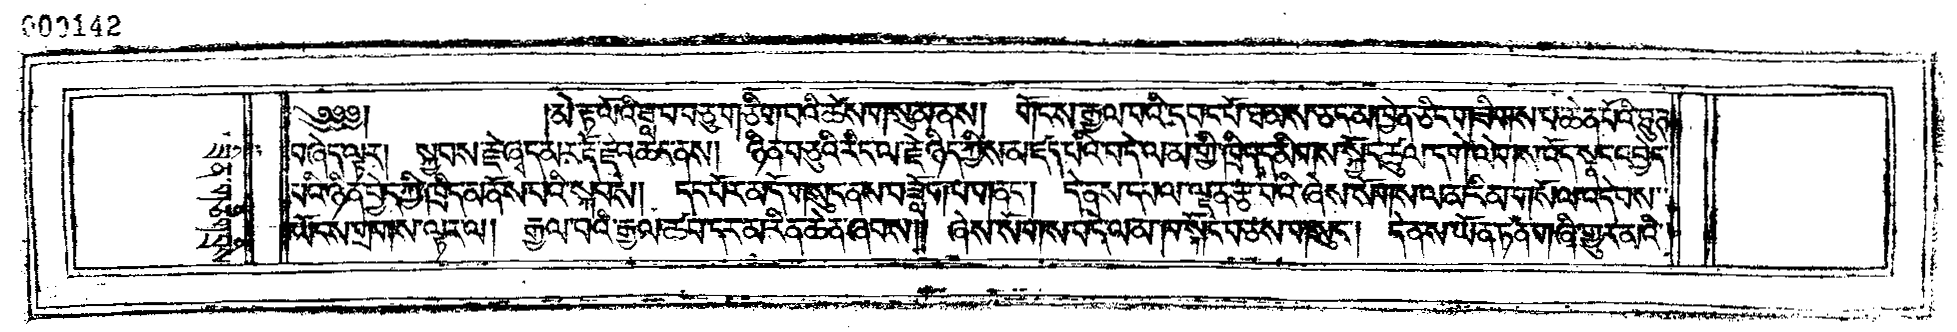༄༅༅། །མེ་རྟ་ལོའི་ཟླ་བ་བཅུ་གཅིག་པའི་ཚེས་གསུམ་ནས། གོང་ས་རྒྱལ་བའི་དབང་པོ་ཐམས་ཅད་མཁྱེན་ཅིང་གཟིགས་པ་ཆེན་པོའི་ཐུགས་
བཞེད་ལྟར། སྐྱབས་རྗེ་ཞྭ་དམར་རྡོ་རྗེ་འཆང་ནས། ཉིན་བཅུའི་རིང་ལ་རྗེ་ཉིད་ཀྱིས་མཛད་པའི་བདེ་ལམ་གྱི་ཁྲིད་དམིགས་སྐྱོང་ཚུལ་དགེ་ལེགས་འོད་སྣང་འབྱེད་
པའི་ཉིན་བྱེད་ཀྱི་ཁྲིད་མནོས་པའི་སྐབས། དང་པོར་མདོ་གསུང་ནས་བཟློག་པ་གནང་། དེ་ནས་དཔལ་ལྡན་རྩ་བའི་ཞེས་སོགས་ལམ་རིམ་གསོལ་འདེབས་
ཡོངས་གྲགས་ལྟར་ལ། རྒྱལ་བའི་རྒྱལ་ཚབ་དར་མ་རིན་ཆེན་ཞབས། །ཞེས་སོགས་བདེ་ལམ་ཁ་སྐོང་བཅས་གསུང་། དེ་ནས་ཡོན་ཏན་གཞི་གྱུར་མའི་